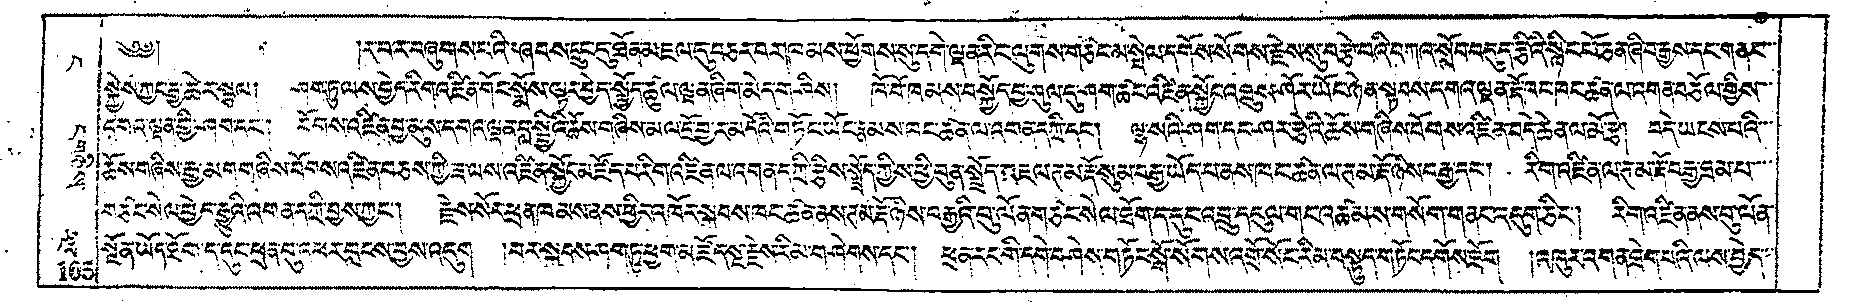༄༅། །ར་བར་བཞུགས་པའི་༧ཞབས་དྲུང་དུ་ཐོན་མཇལ་དུ་བཅར་བར། ཁམས་ཕྱོགས་སུ་དགེ་ལྡན་རིང་ལུགས་གཙང་མ་སྤེལ་དགོས་སོགས་རྗེས་སུ་བརྩེ་བའི་བཀའ་སློབ་བདུད་རྩིའི་སྙིང་པོ་ཅན་ཞིབ་རྒྱས་དང་གནང་
སྐྱེས་ཀྱང་རྒྱ་ཆེར་སྩལ། ཤག་ཏུ་ལས་བྱེད་རིག་འཛིན་གོང་སྨོས་ལྟར་བྱེད་སྤྱོད་ཚུལ་ལྡན་ཞིག་མེད་གཤིས། ཁོ་བོ་ཁམས་བསྐྱོད་བྱ་ཤུལ་དུ་ཤག་ཚང་འཛིན་སྐྱོང་འཐུས་ཤོར་ཡོང་ཉེན་སྟབས་དགའ་ལྡན་རྡོ་ཁང་ཁང་ཚན་ལ་འགན་བཅོལ་གྱིས་
དགའ་ལྡན་གྱི་ཤག་དང་། པོགས་འཛིན་བྱ་མུས་དགའ་ལྡན་བླ་སྤྱིའི་ཆོས་གཞིས་མལ་དྲོ་བྱ་ར་མདོའི་གཏོང་ཡོང་རྣམས་ཁང་ཚན་ལ་འགན་དཀྲི་དང་། ལྷ་སའི་ཤག་དང་ཤར་རྩེའི་ཆོས་གཞིས་བོགས་འཛིན་བདེ་ཆེན་ལ་མོ་རྩེ། བདེ་ཡངས་པའི་
ཆོས་གཞིས་རྒྱ་མག་གཞིས་བོགས་འཛིན་བཅས་ཀྱི་ཟ་ལས་འཛིན་སྐྱོང་མཛོད་པ་རིག་འཛིན་ལ་འགན་དཀྲི་རྩིས་སྤྲོད་ཀྱིས་ཕྱི་བུན་སྤྲོད་འཇལ་ཊམ་རྡོ་སུམ་བརྒྱ་ཡོད་པ་ནས་ཁང་ཚན་ལ་ཊམ་རྡོ་ཉིས་བརྒྱ་དང་། རིག་འཛིན་ལ་ཊམ་རྡོ་བརྒྱ་ཐམ་པ་
གཙང་སེལ་བྱེད་རྒྱུའི་འགན་དཀྲི་བྱས་ཀྱང་། རྗེས་སོར་ཕྲན་ཁམས་ནས་ཕྱིར་འཁོར་སྐབས་ཁང་ཚན་ནས་ཊམ་རྡོ་ཉིས་བརྒྱའི་བུ་ལོན་གཙང་སེལ་ཐོག་ད་དུང་འབྲུ་དངུལ་གང་འཚམས་གསོག་གནང་འདུག་ཅིང་། རིག་འཛིན་ནས་བུ་ལོན་
སྔོན་ཡོད་ཐོག་ད་དུང་ཕྲན་བུ་འཕར་བླངས་བྱས་འདུག །བར་སྐབས་ཤག་ཏུ་ཕྱག་མཛོད་སྔ་རྗེས་རིམ་གཤེགས་དང་། ཕྲན་རང་གི་དགེ་བཤེས་གཏོང་སྒོ་སོགས་འགྲོ་སོང་རིམ་བསྟུད་གཏོང་དགོས་ཐོག །འཁུར་འགན་ཐེག་པའི་ལས་བྱེད་